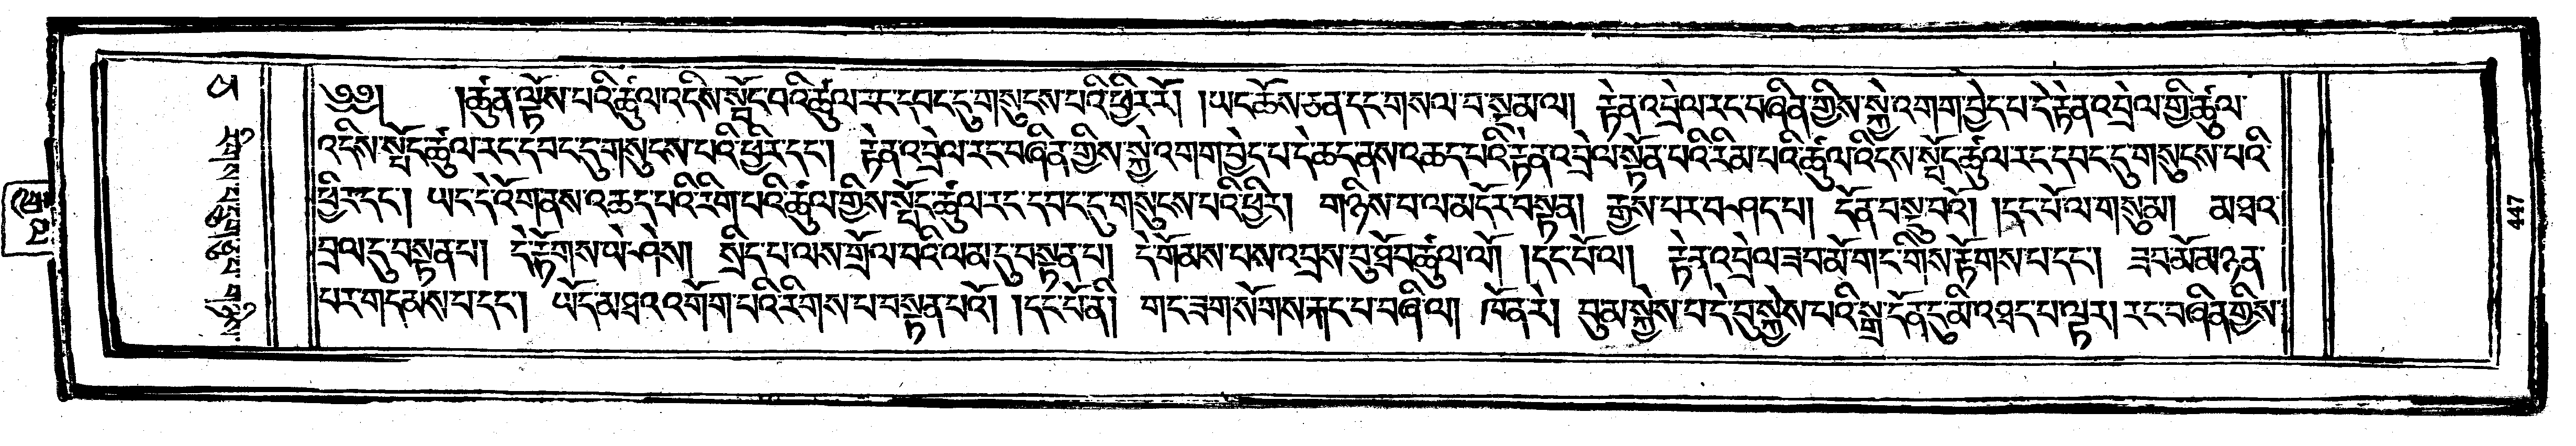༄༅། །ཚུན་ལྟོས་པའི་ཚུལ་འདིས་སྤོང་བའི་ཚུལ་རང་དབང་དུ་གསུངས་པའི་ཕྱིར་རོ། །ཡང་ཆོས་ཅན་དང་གསལ་བ་སྔ་མ་ལ། རྟེན་འབྲེལ་རང་བཞིན་གྱིས་སྐྱེ་འགག་བྱེད་པ་དེ་རྟེན་འབྲེལ་གྱི་ཚུལ་
འདིས་སྤོང་ཚུལ་རང་དབང་དུ་གསུངས་པའི་ཕྱིར་དང་། རྟེན་འབྲེལ་རང་བཞིན་གྱིས་སྐྱེ་འགག་བྱེད་པ་དེ་ཆད་ནས་འཆད་པའི་རྟེན་འབྲེལ་སྟོན་པའི་རིམ་པའི་ཚུལ་འདིས་སྤོང་ཚུལ་རང་དབང་དུ་གསུངས་པའི་
ཕྱིར་དང་། ཡང་དེ་འོག་ནས་འཆད་པའི་རིག་པའི་ཚུལ་གྱིས་སྤོང་ཚུལ་རང་དབང་དུ་གསུངས་པའི་ཕྱིར། གཉིས་པ་ལ་མདོར་བསྟན། རྒྱས་པར་བཤད་པ། དོན་བསྡུ་བའོ། །དང་པོ་ལ་གསུམ། མཐའ་
བྲལ་དུ་བསྟན་པ། དེ་རྟོགས་ཡེ་ཤེས། སྲིད་པ་ལས་གྲོལ་བའི་ལམ་དུ་བསྟན་པ། དེ་གོམས་པས་འབྲས་བུ་ཐོབ་ཚུལ་ལོ། །དང་པོ་ལ། རྟེན་འབྲེལ་ཟབ་མོ་གང་གིས་རྟོགས་པ་དང་། ཟབ་མོ་མཉན་
པར་གདམས་པ་དང་། ཡོད་མཐའ་འགོག་པའི་རིགས་པ་བསྟན་པའོ། །དང་པོ་ནི། གང་ཟག་སོགས་རྐང་པ་བཞི་ལ། ཁོ་ན་རེ། བུ་མ་སྐྱེས་པ་དེ་བུ་སྐྱེས་པའི་སྒྲ་དོན་དུ་མི་འཐད་པ་ལྟར། རང་བཞིན་གྱིས་